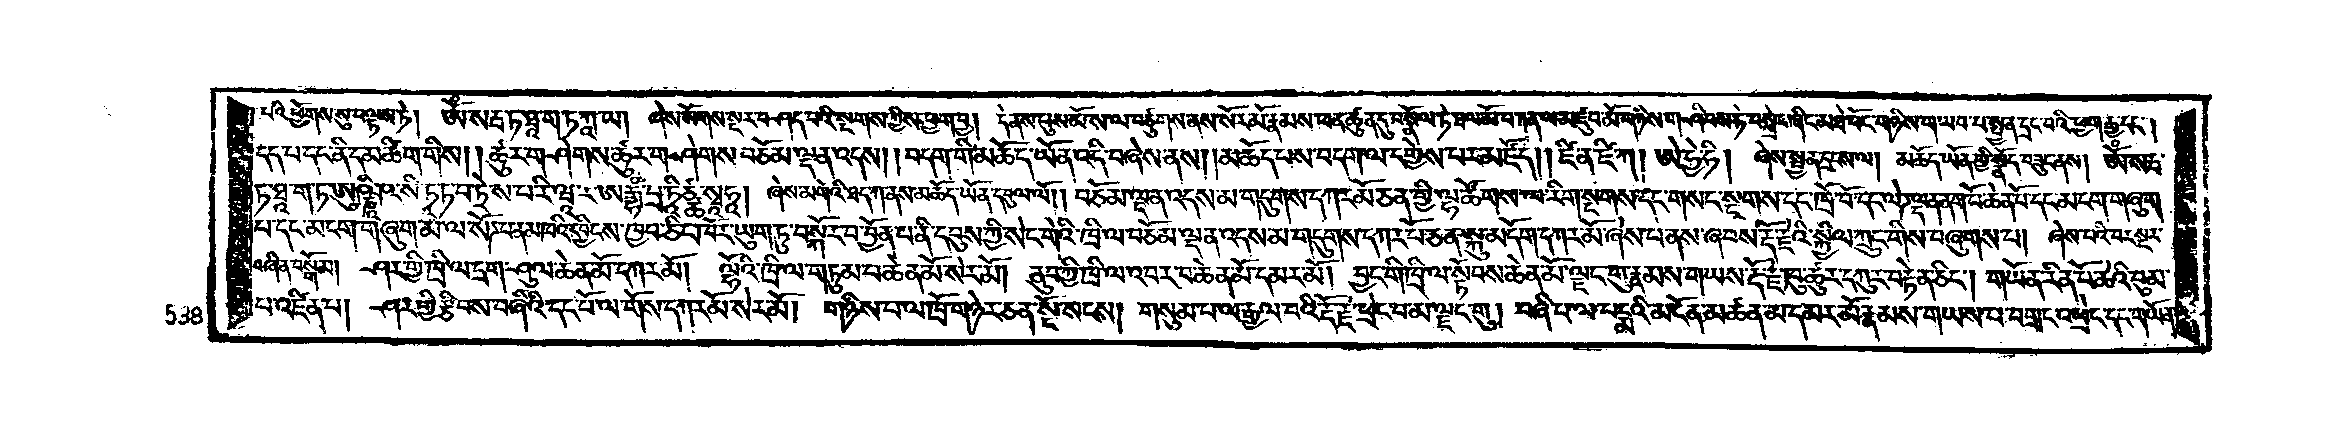པའི་ཕྱོགས་སུ་བལྟས་ཏེ། ཨོཾ་སརྦ་ཏ་ཐཱ་ག་ཏ་ཀཱ་ཡ། ཞེས་སོགས་སྔར་བཤད་པའི་སྔགས་ཀྱིས་ཕྱག་བྱ། དེ་ནས་བུས་མོ་ས་ལ་བཙུགས་ནས་སོར་མོ་རྣམས་ཕན་ཚིན་དུ་བསྣོལ་ཏེ་ཐལ་མོ་བཀན་ལ་མཛུབ་མོ་གཉིས་གཤིགས་ཏེ་བསྒྲེང་ཞིང་མཐེ་བོང་གཉིས་ག་ཡབ་པ་སྤྱན་དྲང་པའི་ཕྱག་རྒྱ་དང།
དད་པ་དང་ནི་དམ་ཚིག་གིས། །ཚུར་གཤེགས་ཚུར་གཤེགས་བཅོམ་ལྡན་འདས། །བདག་གི་མཆོད་ཡོན་འདི་བཞེས་ནས། །མཆོད་པས་བདག་ལ་དགྱེས་པར་མཛོད། །ཛི་ན་ཛི་ཀ། ཨེ་ཧྱེ་ཧི། ཞེས་སྤྱན་དྲངས་ལ། མཆོད་ཡོན་གྱི་སྣོད་བཟུང་ནས། ཨོཾ་སརྦ་
ཏ་ཐཱ་ག་ཏ་ཨུཥྞཱི་ཥ་སི་ཏཱ་ཏ་པ་དྲི་ས་པ་རི་ཝཱ་ར་ཨརྒྷཾ་པྲ་ཏཱི་ཙྪ་སྭཱ་ཧཱ། ཞེས་མགོའི་ཐད་ཀ་ནས་མཆོད་ཡོན་དབུལ་ལོ། བཅོམ་ལྡན་འདས་མ་གདུགས་དཀར་མོ་ཅན་གྱི་ལྷ་ཚེགས་ལ་རིག་སྔགས་དང་གསང་སྔགས་དང་ཁྲོ་བོ་དང་ལེཌ་ལྡན་ནག་པོ་ཆེན་པོ་དང་མངག་གཞུག་
པ་དང་མངག་གཞུག་མ་ལ་སོཌ་པ་ནམ་མཁའི་དབྱིངས་ཁྱབ་ཅིང་ཁོར་ཡུག་ཏུ་བསྐོར་བ་བྱོན་པ་ནི་དབུས་ཀྱི་སེང་གེའི་ཁྲི་ལ་བཅོམ་ལྡན་འདས་མ་གདུགས་དཀར་པོ་ཅན་སྐུ་མདོག་དཀར་མོ་ཞེས་པ་ནས་ཞབས་རྡོ་རྗེའི་སྐྱིལ་ཀྲུང་གིས་བཞུགས་པ། ཞེས་པའི་བར་སྔར་
བཞིན་བསྒོམ། ཤར་གྱི་ཁྲི་ལ་དྲག་ཤུལ་ཆེན་མོ་དཀར་མོ། ལྷོའི་ཁྲི་ལ་གཏུམ་པ་ཆེན་མོ་སེར་མོ། ནུབ་ཀྱི་ཁྲི་ལ་འབར་བ་ཆེན་པོ་དམར་མོ། བྱང་གི་ཁྲི་ལ་སྟོབས་ཆེན་མོ་ལྗང་གུ་རྣམས་གཡས་རྡོ་རྗེ་ཁུ་ཚུར་དཀུར་བརྟེན་ཅིང་། གཡོན་རིན་པོ་ཆེའི་བུམ་
པ་འཛིན་པ། ཤར་གྱི་རྩིགས་བཞིའི་དང་པོ་ལ་གོས་དཀར་མོ་སེར་མོ། གཉིས་པ་ལ་ཁྲོ་གཉེར་ཅན་སྔོ་སངས། གསུམ་པ་ལ་རྒྱལ་བའི་རྡོ་རྗེ་ཕྲེང་བ་མ་ལྗང་གུ། བཞི་པ་ལ་པདམའི་མངོན་མཚན་མ་དམར་མི་རྣམས་གཡས་པ་བཀྲང་འཕྲེང་དང་གཡོན་